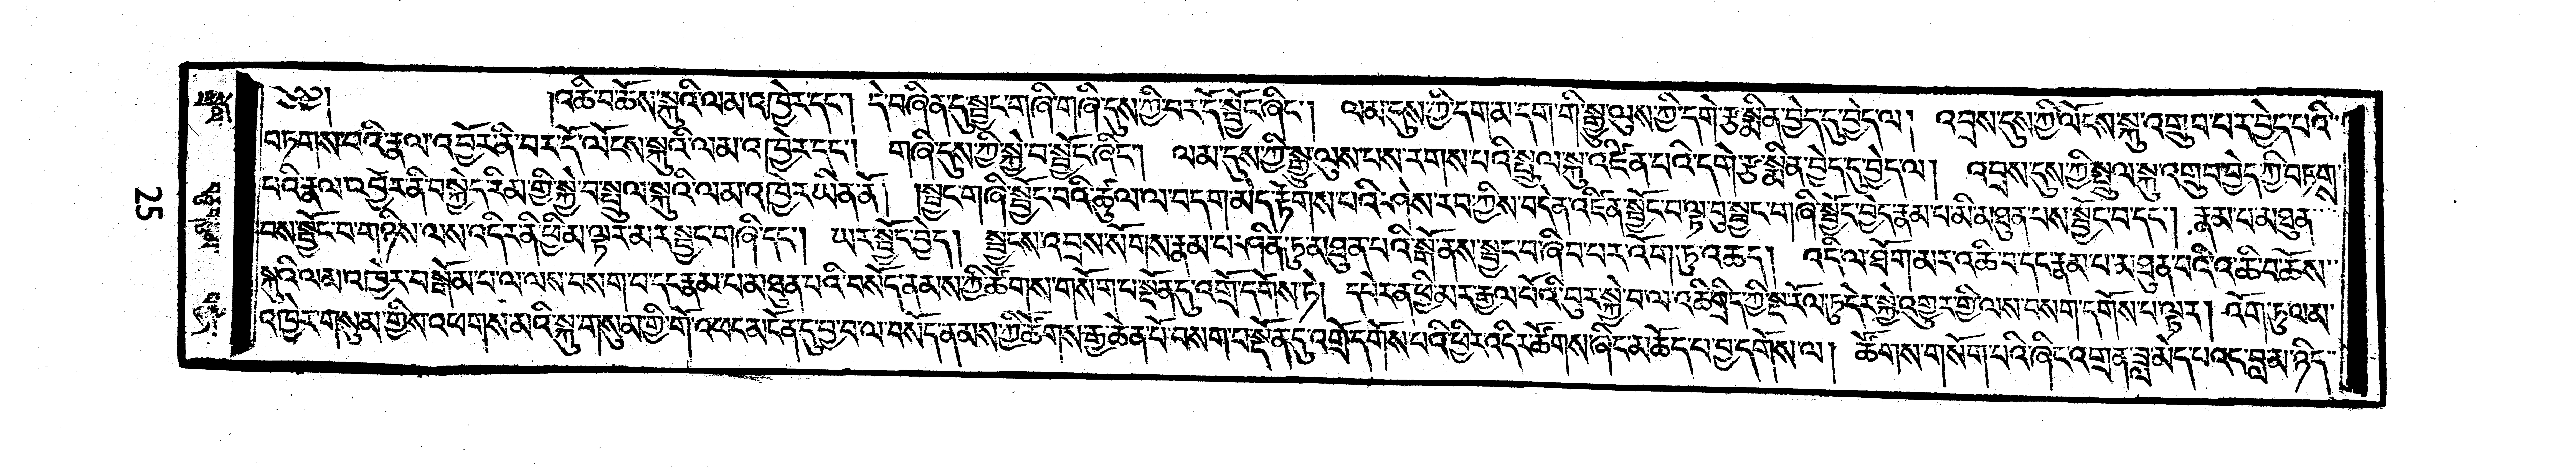༄༅། །འཆི་བ་ཆོས་སྐུའི་ལམ་འཁྱེར་དང་། དེ་བཞིན་དུ་སྦྱང་གཞི་གཞི་དུས་ཀྱི་བར་དོ་སྦྱོང་ཞིང་། ལམ་དུས་ཀྱི་དག་མ་དག་གི་སྒྱུ་ལུས་ཀྱི་དགེ་རྩ་སྨིན་བྱེད་དུ་བྱེད་ལ། འབྲས་དུས་ཀྱི་ལོངས་སྐུ་འགྲུབ་པར་བྱེད་པའི་
བཏགས་པའི་རྣལ་འབྱོར་ནི་བར་དོ་ལོངས་སྐུའི་ལམ་འཁྱེར་དང་། གཞི་དུས་ཀྱི་སྐྱེ་བ་སྦྱོང་ཞིང་། ལམ་དུས་ཀྱི་སྒྱུ་ལུས་པས་རགས་པའི་སྤྲུལ་སྐུ་འཛིན་པའི་དགེ་རྩ་སྨིན་བྱེད་དུ་བྱེད་ལ། འབྲས་དུས་ཀྱི་སྤྲུལ་སྐུ་འགྲུབ་བྱེད་ཀྱི་བཏགས་
པའི་རྣལ་འབྱོར་ནི་བསྐྱེད་རིམ་གྱི་སྐྱེ་བ་སྤྲུལ་སྐུའི་ལམ་འཁྱེར་ཡིན་ནོ། །སྦྱང་གཞི་སྦྱོང་བའི་ཚུལ་ལ་བདག་མེད་རྟོགས་པའི་ཤེས་རབ་ཀྱིས་བདེན་འཛིན་སྦྱོང་བ་ལྟ་བུ་སྦྱང་གཞི་སྦྱོང་བྱེད་རྣམ་པ་མི་མཐུན་པས་སྦྱོང་བ་དང་། རྣམ་པ་མཐུན་
པས་སྦྱོང་བ་གཉིས་ལས་འདིར་ནི་ཕྱི་མ་ལྟར་མར་སྦྱང་གཞི་དང་། ཡར་སྦྱོང་བྱེད། སྦྱངས་འབྲས་སོགས་རྣམ་པ་ཤིན་ཏུ་མཐུན་པའི་སྒོ་ནས་སྦྱང་བ་ཞིབ་པར་འོག་ཏུ་འཆད། འདི་ལ་ཐོག་མར་འཆི་བ་དང་རྣམ་པ་མཐུན་པའི་འཆི་བ་ཆོས་
སྐུའི་ལམ་འཁྱེར་བ་སྒོམ་པ་ལ་ལས་བསགས་པ་དང་རྣམ་པ་མཐུན་པའི་བསོད་ནམས་ཀྱི་ཚོགས་གསོག་པ་སྔོན་དུ་འགྲོ་དགོས་ཏེ། དཔེར་ན་ཕྱི་མར་རྒྱལ་པོའི་བུར་སྐྱེ་བ་ལ་འཆི་སྲིད་ཀྱི་སྔ་རོལ་ཏུ་དེར་སྐྱེ་འགྱུར་གྱི་ལས་བསག་དགོས་པ་ལྟར། འོག་ཏུ་ལམ་
འཁྱེར་གསུམ་གྱིས་འཕགས་མའི་སྐུ་གསུམ་གྱི་གོ་འཕང་མངོན་དུ་བྱ་བ་ལ་བསོད་ནམས་ཀྱི་ཚོགས་རྒྱ་ཆེན་པོ་བསག་པ་སྔོན་དུ་འགྲོ་དགོས་པའི་ཕྱིར་འདིར་ཚོགས་ཞིང་མཆོད་པ་བྱ་དགོས་ལ། ཚོགས་གསོག་པའི་ཞིང་འགྲན་ཟླ་མེད་པའང་བླ་མ་ཉིད་